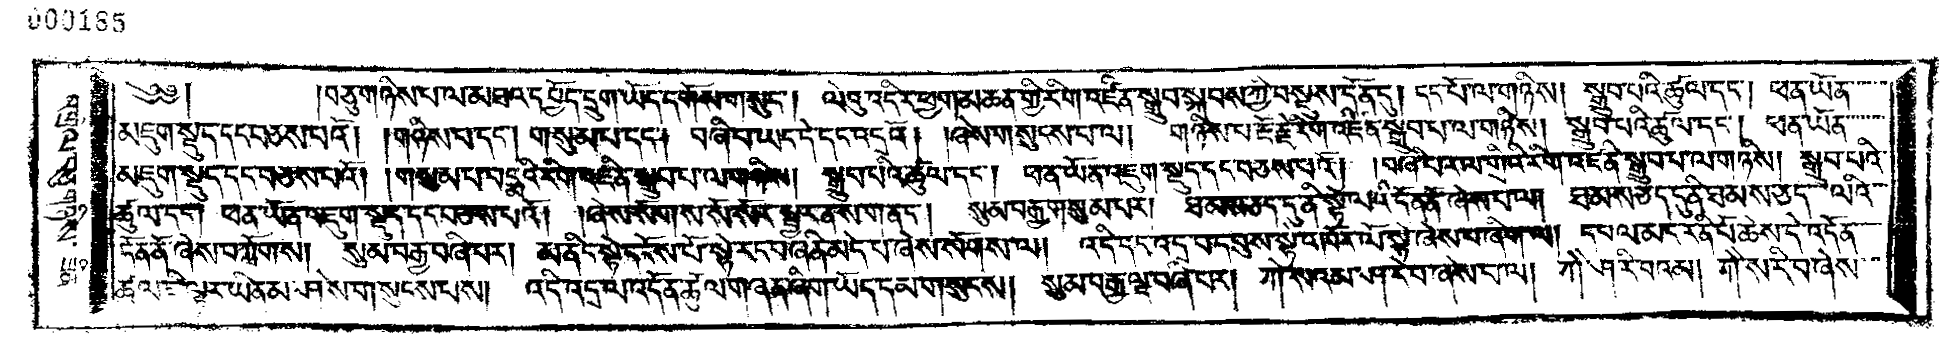༄༅། །བཅུ་གཉིས་པ་ལ་མཐའ་དཔྱོད་དྲུག་ཡོད་དགོས་གསུང་། ལེའུ་འདིར་ཕྱག་མཆན་གྱི་རིག་འཛིན་སྒྲུབ་སྐབས་ཀྱི་བསྡུས་དོན་དུ། དང་པོ་ལ་གཉིས། སྒྲུབ་པའི་ཚུལ་དང་། ཕན་ཡོན་
མཇུག་སྡུད་དང་བཅས་པའོ། །གཉིས་པ་དང་། གསུམ་པ་དང་། བཞི་པ་ཡང་དེ་དང་འདྲའོ། །ཞེས་གསུངས་པ་ལ། གཉིས་པ་རྡོ་རྗེ་རིག་འཛིན་སྒྲུབ་པ་ལ་གཉིས། སྒྲུབ་པའི་ཚུལ་དང་། ཕན་ཡོན་
མཇུག་སྡུད་དང་བཅས་པའོ། །གསུམ་པ་པདམའི་རིག་འཛིན་སྒྲུབ་པ་ལ་གཉིས། སྒྲུབ་པའི་ཚུལ་དང་། ཕན་ཡོན་འཇུག་སྡུད་དང་བཅས་པའོ། །བཞི་པ་རལ་གྲིའི་རིག་འཛིན་སྒྲུབ་པ་ལ་གཉིས། སྒྲུབ་པའི་
ཚུལ་དང་། ཕན་ཡོན་འཇུག་སྡུད་དང་བཅས་པའོ། །ཞེས་སོགས་སོ་སོར་སྦྱར་ནས་གནང་། སུམ་བརྒྱ་གསུམ་པར། ཐམས་ཅད་དུ་ནི་སྟེ་ལའི་དོན་ནོ་ཞེས་པ་ལ། ཐམས་ཅད་དུ་ནི་ཐམས་ཅད་ལའི་
དོན་ནོ་ཞེས་བཀློགས། སུམ་བརྒྱ་བཞི་པར། མ་ནིང་སྟེ་དངོས་པོ་སྟེ་རང་བཞིན་མེད་པ་ཞེས་སོགས་ལ། འདི་དང་འདྲ་བ་དབུས་སྟེ་འཁོར་ལོ་སྟེ་ཞེས་པ་ཞིག་ལ། དཔལ་མང་རིན་པོ་ཆེས་དེ་འདོན་
ཚུལ་ཇི་ལྟར་ཡིན་མ་ཤེས་གསུངས་པས། འདི་འདྲ་ལ་འདོན་ཚུལ་གཞན་ཞིག་ཡོད་དམ་གསུངས། སུམ་བརྒྱ་ལྔ་བཞི་པར། ཀེ་སའམ་ཤ་རི་བ་ཞེས་པ་ལ། ཀཻ་ཤ་རི་བའམ། ཀཻ་ས་རི་བ་ཞེས་